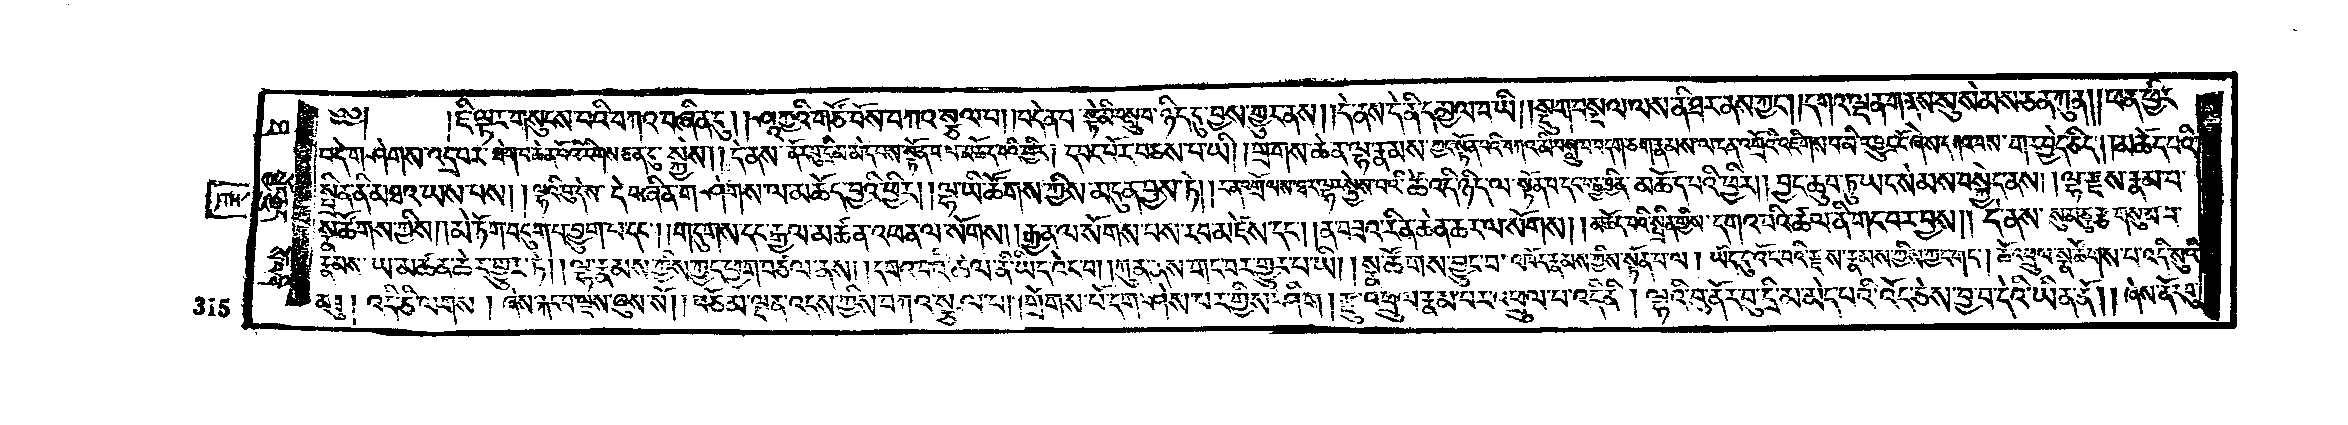༄༅། །ཇི་ལྟར་གསུངས་པའི་བཀའ་བཞིན་དུ། །ཤཱཀྱའི་གཙོ་བོས་བཀའ་སྩལ་བ། །བདེན་པ་སྟེ་མི་བསླུ་བ་ཉིད་དུ་བྱས་གྱུར་ནས། །དེ་ནས་དེ་ནི་དམྱལ་བ་ཡི། །སྡུག་བསྔལ་ལས་ནི་ཐར་ནས་ཀྱང་། །དགའ་ལྡན་གནས་སུ་སེམས་ཅན་ཀུན། །ཕན་ཕྱིར་
བདེ་གཤེགས་འདྲ་བར་ཐེག་པ་ཆེན་པོའི་རིགས་ཅན་དུ་སྐྱེས། །དེ་ནས་ནོར་བུ་དྲི་མ་མེད་པས་སྟོན་པ་ལ་མཆོད་པའི་ཕྱིར། དབང་པོར་བཅས་པ་ཡི། །གྲགས་ཆེན་ལྷ་རྣམས་ཀྱང་སྟོན་པའི་བཀའ་མི་བསླུ་བ་བདག་ཅག་རྣམས་ལ་ངན་འགྲོའི་འཇིགས་པ་མི་འབྱུང་ངོ་ཞེས་དགའ་བས་གར་བྱེད་ཅིང་། །མཆོད་པའི་
སྤྲིན་ནི་མཐའ་ཡས་པས། ། ལྷའི་བུ་དེས་དེ་བཞིན་གཤེགས་ལ་མཆོད་བྱའི་ཕྱིར། །ལྷ་ཡི་ཚོགས་ཀྱིས་མདུན་བྱས་ཏེ། ། ངན་འགྲོ་ལས་ཐར་ལྷར་སྐྱེས་པའི་ཚེ་འདི་ཉིད་ལ་སྟོན་པ་དང་བརྒྱ་བྱིན་མཆོད་པའི་ཕྱིར། །བྱང་ཆུབ་ཏུ་ཡང་སེམས་བསྐྱེད་ནས། །ལྷ་རྫས་རྣམ་པ་
སྣ་ཚོགས་ཀྱིས། །མེ་ཏོག་བདུག་པ་བྱུག་པ་དང་། །གདུགས་དང་རྒྱལ་མཚན་འཕན་ལ་སོགས། །རྒྱན་ལ་སོགས་པས་རབ་མཛེས་དང་། །ན་བཟའ་རིན་ཆེན་ཆར་ལ་སོགས། ། མཆོད་པའི་སྤྲིན་གྱིས་དགའ་བའི་ཚལ་ནི་གང་བར་བྱས། །དེ་ནས་སུམ་ཅུ་རྩ་གསུམ་པ་
རྣམས་ཡ་མཚན་ཆེར་གྱུར་ཏེ། །ལྷ་རྣམས་ཀྱིས་ཀྱང་ཕྱག་བཙལ་ནས། །དགའ་བའི་ཚལ་ནི་ཡིད་འོང་བ། །ཀུན་ནས་གང་བར་གྱུར་པ་ཡི། །སྣ་ཚོགས་བྱུང་བ་འཁོར་རྣམས་ཀྱིས་སྟོན་པ་ལ། ཡིད་དུ་འོང་བའི་རྫས་རྣམས་ཀྱིས་ཀྱང་གང་། ཆོ་འཕྲུལ་སྣ་ཚོགས་པ་འདི་སུའི་
མཐུ། འདི་ཅི་ལགས། ཞེས་རྐང་པ་ལྔས་ཞུས་སོ། །བཅོམ་ལྡན་འདས་ཀྱིས་བཀའ་སྩལ་པ། །གྲོགས་པོ་དག་ཤེས་པར་གྱིས་ཤིག །རྫུ་འཕྲུལ་རྣམ་པར་འཕྲུལ་པ་འདི་ནི། ལྷའི་བུ་ནོར་བུ་དྲི་མ་མེད་པའི་འོད་ཅེས་བྱ་བ་དེའི་ཡིན་ནོ། །ཞེས་ནོར་བུ་